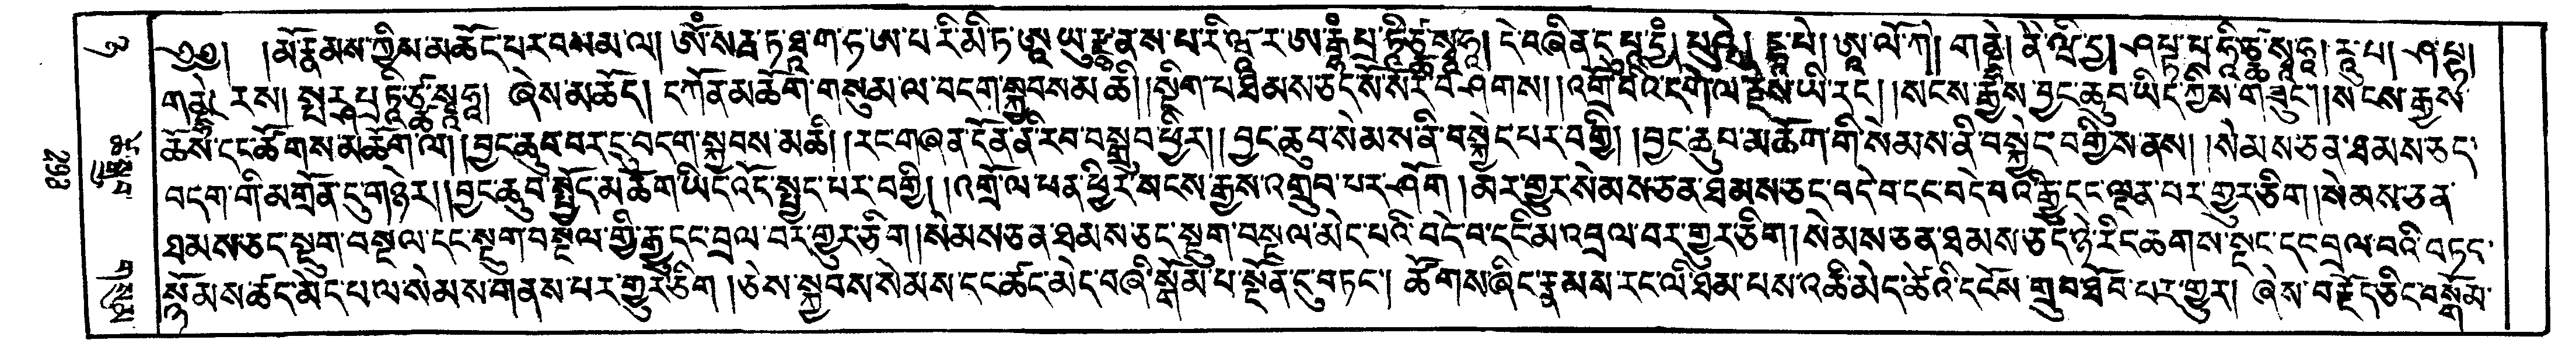༄༅། །མོ་རྣམས་ཀྱིས་མཆོད་པར་བསམ་ལ། ཨོཾ་སརྦ་ཏ་ཐཱ་ག་ཏ་ཨ་པ་རི་མི་ཏ་ཨཱ་ཡུརྫྙཱ་ན་ས་པ་རི་ཝཱ་ར་ཨརྒྷཾ་པྲ་ཎིཙྪ་སྭཱཧཱ། དེ་བཞིན་དུ་པཱདྱཾ། པུཥྤེ། དྷཱུ་པེ། ཨཱ་ལོ་ཀེ། གནྡྷེ། ནཻ་ཝི་དྱ། ཤཔྟ་བྲ་ཧཱིཙྪ་སྭཱཧཱ། རཱུ་པ། ཤཔྟ།
གནྡྷེ། ར་ས། སྤརྴ་པྲ་ཏཱིཙྪ་སྭཱཧཱ། ཞེས་མཆོད། དཀོན་མཆོག་གསུམ་ལ་བདག་སྐྱབས་མཆི། །སྡིག་པ་ཐམས་ཅད་སོ་སོར་བཤགས། །འགྲོ་བའི་དགེ་ལ་རྗེས་ཡི་རང་། །སངས་རྒྱས་བྱང་ཆུབ་ཡིད་ཀྱིས་གཟུང་། །སངས་རྒྱས་
ཆོས་དང་ཚོགས་མཆོག་ལ། །བྱང་ཆུབ་བར་དུ་བདག་སྐྱབས་མཆི། །རང་གཞན་དོན་ནི་རབ་བསྒྲུབ་ཕྱིར། །བྱང་ཆུབ་སེམས་ནི་བསྐྱེད་པར་བགྱི། །བྱང་ཆུབ་མཆོག་གི་སེམས་ནི་བསྐྱེད་བགྱིས་ནས། །སེམས་ཅན་ཐམས་ཅད་
བདག་གི་མགྲོན་དུ་གཉེར། །བྱང་ཆུབ་སྤྱོད་མཆོག་ཡིད་འོང་སྤྱད་པར་བགྱི། །འགྲོ་ལ་ཕན་ཕྱིར་སངས་རྒྱས་འགྲུབ་པར་ཤོག །མར་གྱུར་སེམས་ཅན་ཐམས་ཅད་བདེ་བ་དང་བདེ་བའི་རྒྱུ་དང་ལྡན་པར་གྱུར་ཅིག་སེམས་ཅན་
ཐམས་ཅད་སྡུག་བསྔལ་དང་སྡུག་བསྔལ་གྱི་རྒྱུ་དང་བྲལ་བར་གྱུར་ཅིག །སེམས་ཅན་ཐམས་ཅད་སྡུག་བསྔལ་མེད་པའི་བདེ་བ་དང་མི་འབྲལ་བར་གྱུར་ཅིག །སེམས་ཅན་ཐམས་ཅད་ཉེ་རིང་ཆགས་སྡང་དང་བྲལ་བའི་བཏང་
སྙོམས་ཚད་མེད་པ་ལ་སེམས་གནས་པར་གྱུར་ཅིག །ཅེས་སྐྱབས་སེམས་དང་ཚད་མེད་བཞི་སྒོམ་པ་སྔོན་དུ་བཏང་། ཚོགས་ཞིང་རྣམས་རང་ལི་ཐམ་པས་འཆི་མེད་ཚེའི་དངོས་གྲུབ་ཐོབ་པར་གྱུར། ཞེས་བརྗོད་ཅིང་བསྒོམ།